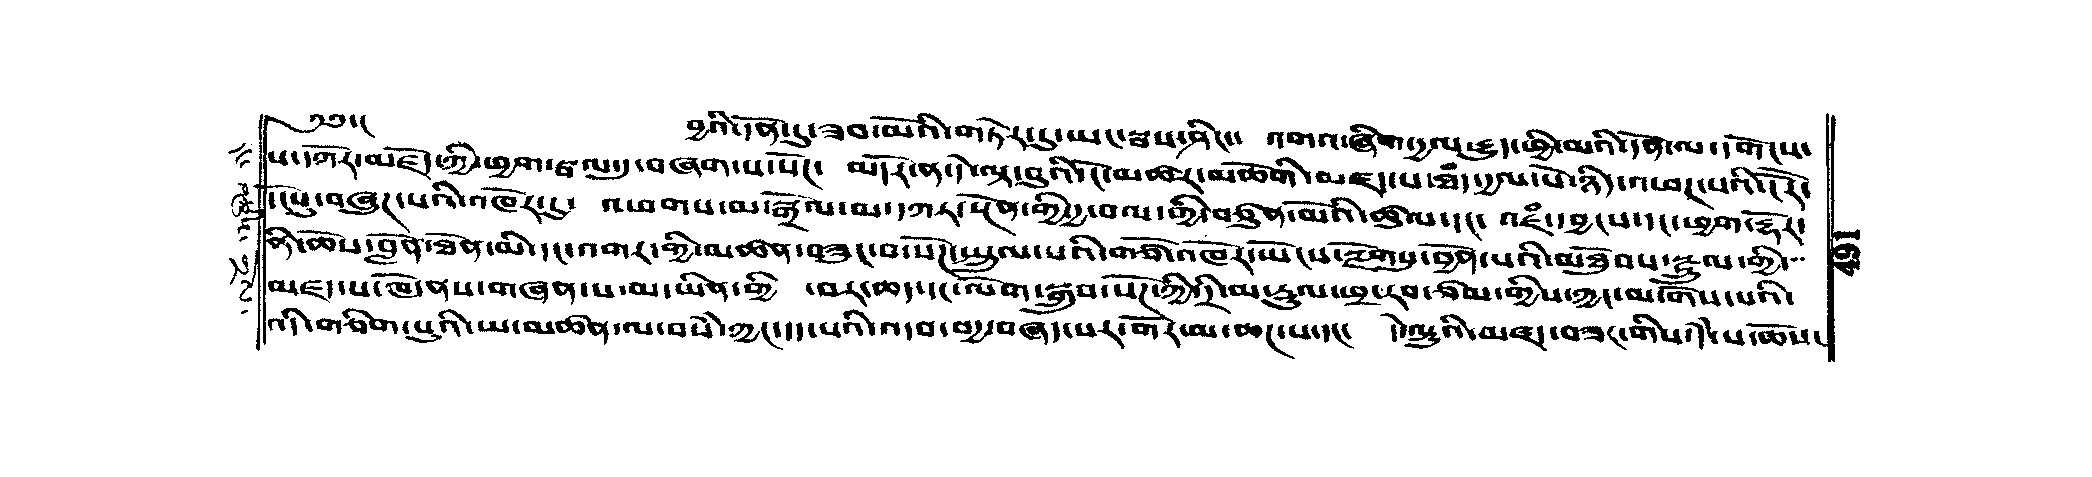བྱའི་དོན་དུ་ཟབ་མོའི་གཏེར་དུ་ཡང་སྦས་ཞིང་། འགའ་ཞིག་རྒྱལ་རྒྱུད་ཕྱི་མའི་དོན་ལ་དགོངས་
པ་དཀོར་མཛོད་ཀྱི་ཕྱག་སྦལ་དུ་བཞག་པ་སོགས། མདོར་ན་དེ་ལྟ་བུའི་ངོ་མཚར་མཆོག་གི་མཛད་པ་ཐམས་ཅད་རྒྱལ་པོ་ཉིད་འཕགས་པའི་ངོ་བོར་
དངོས་སུ་བཞུགས་པའི་འཁོར་དུ་འཕགས་མ་སྒྲོལ་མ་དཀར་སྔོན་གྱི་རྒྱ་བལ་གྱི་བཙུན་མོའི་ཚུལ་དང་། འཇམ་དབྱངས་དང་ཕྱག་རྡོར་
ནི་ཆོས་བློན་ཐོན་མི་དང་འགར་གྱི་མཚན་བཟུང་བ་སོགས་སྤྲུལ་བའི་གཙོ་འཁོར་ཡོངས་རྫོགས་སུ་བྱོན་པའི་མཐུ་སྟོབས་རྫུ་འཕྲུལ་གྱི་
མཛད་པ་ཁོ་ནས་བཞག་པ་ཡིན་གྱི། བར་ཆད་དང་ལོག་སྒྲུབ་སོགས་ཀྱི་དྲི་མ་རྡུལ་ཕྲ་རབ་ཙམ་གྱིས་ཀྱང་མ་གོས་པའི་
འདི་གཅིག་པུའི་ཡ་མཚན་ལ་བསམ་ཀྱང་དད་པའི་འདབ་བརྒྱ་བཞད་པར་གོར་མ་ཆགས་པ་དང་། དེ་ལྟ་བུའི་མཛད་བཟང་གིས་དམ་པ་ཆོས་